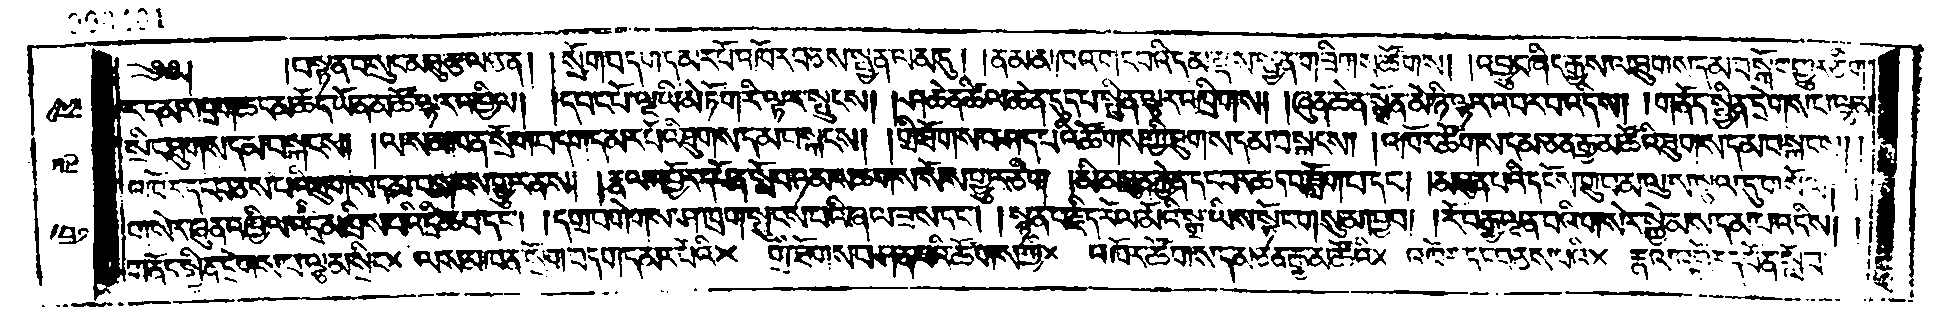༄༅། །བསྟན་བསུང་མཐུ་རྩལ་ཅན། །སྲོག་བདག་དམར་པོ་འཁོར་བཅས་སྤྱན་ལམ་དུ། །ནམ་མཁའ་གང་བའི་དམ་རྫས་སྤྱན་གཟིགས་ཚོགས། །འབྱུང་ཞིང་རྒྱས་ལ་ཐུགས་དམ་བསྐོང་གྱུར་ཅིག །
ར་དམར་ཁྲག་ཆང་མཆོད་ཡོན་མཚོ་ལྟར་འཁྱིལ། །དབང་པོ་ལྔ་ཡི་མེ་ཏོག་རི་ལྟར་སྤུངས། །ཤ་ཆེན་ཚིལ་ཆེན་དུད་པ་སྤྲིན་ལྟར་འཁྲིགས། །ཞུན་ཆེན་སྒྲོན་མེ་ཉི་ལྟར་འབར་བ་འདིས། །གནོད་སྦྱིན་དྲེགས་པ་ལྕམ་
སྲིང་ཐུགས་དམ་བསྐངས། །ལས་མཁན་སྲོག་བདག་དམར་པོའི་ཐུགས་དམ་བསྐངས། །གྲི་ཐོགས་བཤད་པའི་ཚོགས་ཀྱི་ཐུགས་དམ་བསྐངས། །འཁོར་ཚོགས་དམ་ཅན་རྒྱ་མཚོའི་ཐུགས་དམ་བསྐངས། །
འཁོར་དང་བཅས་པའི་ཐུགས་དམ་བསྐངས་གྱུར་ནས། །རྣལ་འབྱོར་དཔོན་སློབ་ཉམས་ཆགས་སོས་གྱུར་ཅིག །མི་མཐུན་རྐྱེན་དང་བར་ཆད་བཟློག་པ་དང་། །མཐུན་པའི་དངོས་གྲུབ་མ་ལུས་སྩལ་དུ་གསོལ། །
གསེར་ཞུན་འཁྱིལ་འདྲི་མཁྲིས་པའི་དྲི་ཆབ་དང་། །དགྲ་བགེགས་ཤ་ཁྲག་སྤུངས་པའི་ཞལ་ཟས་དང་། །སྙན་བརྗིད་རོལ་མོའི་སྒྲ་ཡིས་སྟོང་གསུམ་ཁྱབ། །རོ་བརྒྱ་ལྡན་པའི་གསེར་སྐྱེམས་དམ་པ་འདིས། །
གནོད་སྦྱིན་དྲེགས་པ་ལྕམ་སྲིང྾་ལས་མཁན་སྲོག་བདག་དམར་པོའི྾་གྲི་ཐོགས་བཤན་པའི་ཚོགས་ཀྱི྾་འཁོར་ཚོགས་དམ་ཅན་རྒྱ་མཚོའི྾་འཁོར་དང་བཅས་པའི྾་རྣལ་འབྱོར་དཔོན་སློབ྾་